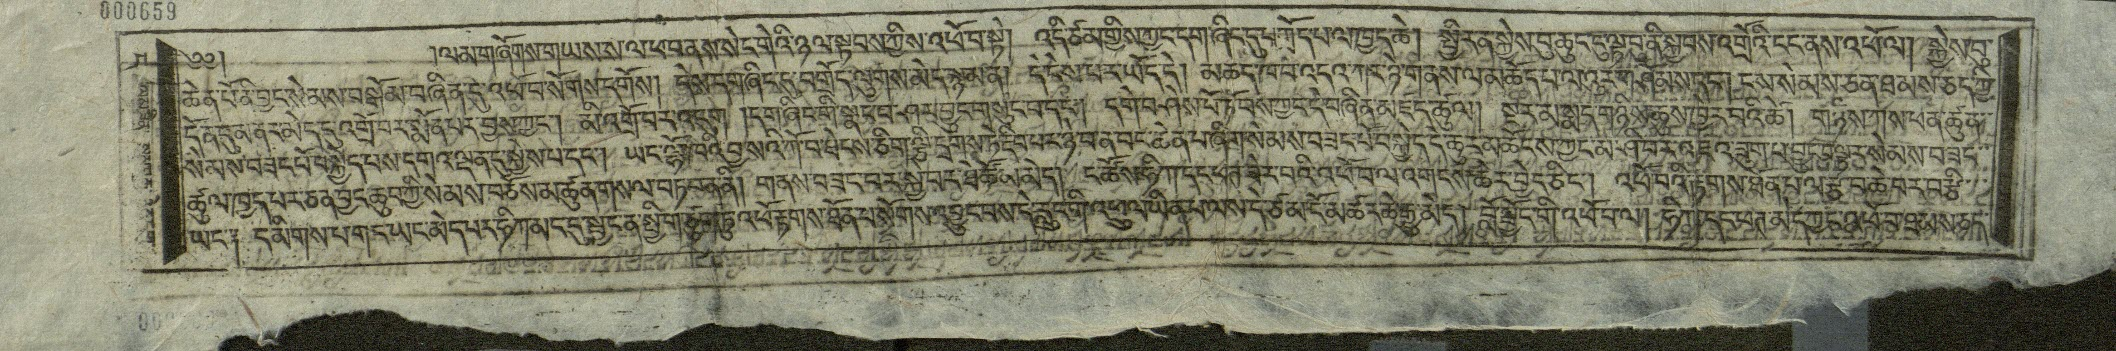༄༅། །ལམ་གཞོགས་གཡས་ས་ལ་ཕབ་ནས་སེང་གེའི་ཉལ་སྟབས་ཀྱིས་འཕོ་བ་སྟེ། འདི་ཙམ་གྱིས་ཀྱང་དག་ཞིང་དུ་བགྲོད་པ་ལ་ཁྱད་ཆེ། སྤྱིར་ན་སྐྱེས་བུ་ཆུང་དུ་ལྟ་བུ་ནི་སྐྱབས་འགྲོའི་ངང་ནས་འཕོ་?་ལ། སྐྱེས་བུ་
ཆེན་པོ་ནི་བྱང་སེམས་བསྒོམ་བཞིན་དུ་འཕོ་བ་སོགས་དགོས། དེས་དག་ཞིང་དུ་བགྲོད་ལུགས་མེད་སྙམ་ན། དེ་ངེས་པར་ཡོད་དེ། མཆད་ཁ་བ་འདའ་ཀར་ཉེ་གནས་ལ་མཆོད་པ་ལ་འུར་གཤོམས་དང་། ངས་སེམས་ཅན་ཐམས་ཅད་ཀྱི་
དོན་དུ་མནར་མེད་དུ་འགྲོ་བར་སྨོན་པར་བྱས་ཀྱང་། མི་འགྲོ་བར་འདུག །དག་ཞིང་གི་སྣང་བ་ཤར་བྱུང་གསུང་བ་དང་། དགེ་བཤེས་པོ་ཏོ་བས་ཀྱང་དེ་བཞིན་མཛད་ཚུལ། སྔར་མ་སྨད་གཉིས་ཆུས་ཁྱེར་བའི་ཚེ། གཉིས་ཀས་ཕན་ཚུན་
སེམས་བཟང་པོ་བསྐྱེད་པས་དགའ་ལྡན་དུ་སྐྱེས་པ་དང་། ཡང་ལྷོ་ཁའི་བྱ་སའི་ཀོ་བ་ཐེངས་ཅིག་ལྕི་དྲགས་ཏེ་རྡིབ་པར་ཉེ་བ་ན་བང་ཆེན་པ་ཞིག་སེམས་བཟང་པོ་བསྐྱེད་དེ་ཆུར་མཆོངས་ཀྱང་མ་ཤི་བར་འཇའ་ཟུག་པ་བྱུང་བ་ལྟར་སེམས་བཟང་
ཚུལ་ཁྱད་པར་ཅན་བྱང་ཆུབ་ཀྱི་སེམས་བཅོས་མ་ཚུན་གསལ་བཏབ་ན་ནི། གནས་བཟང་བར་སྐྱེ་བར་ཐེ་ཚོམ་མེད། ང་ཚོས་ཧི་ཀ་དང་ཕཌ་ཟེར་བའི་འཕོ་བ་ལ་འགངས་ཆེར་བྱེད་ཅིང་། འཕོ་བའི་རྟགས་ཐོན་པ་ལ་རྩ་བ་ཆེ་བར་བརྩི་
ཡང༑ དམིགས་པ་གང་ཡང་མེད་པར་ཧི་ཀ་མང་དུ་སྦྱང་ན་སྤྱི་གཙུག་ཏུ་འཕོ་རྟགས་ཐོན་པ་སོགས་འབྱུང་བས་དེ་རླུང་གི་འཕྲུལ་ཡིན་པ་ལས་དེ་ཙམ་ངོ་མཚར་ཆེ་རྒྱུ་མེད། བློ་སྦྱོང་གི་འཕོ་བ་ལ། ཧི་ཀ་དང་ཕཌ་མེད་ཀྱང་འཕོ་བ་ཐམས་ཅད་